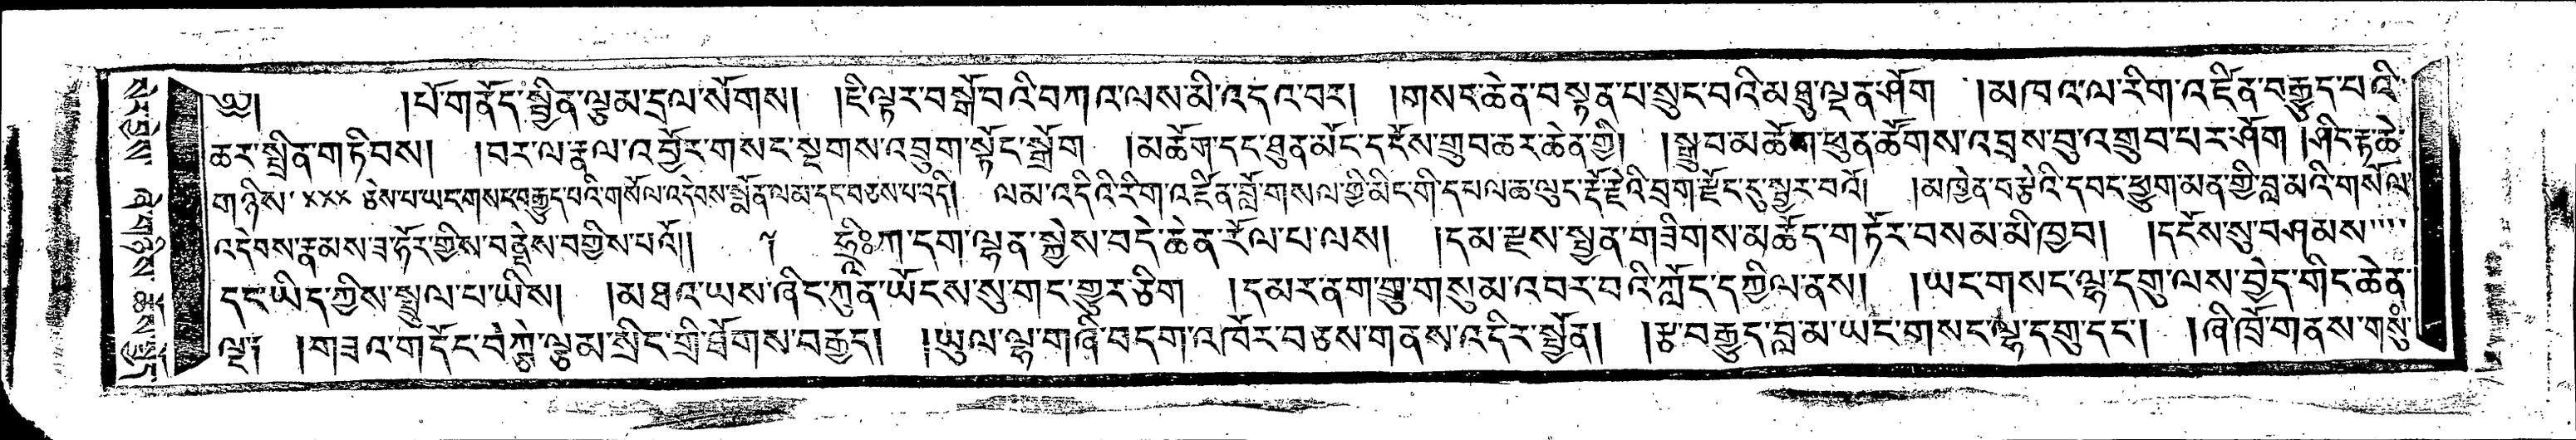༄༅། །པོ་གནོད་སྦྱིན་ལྕམ་དྲལ་སོགས། །ཇི་ལྟར་བསྒོ་བའི་བཀའ་ལས་མི་འདའ་བར། །གསང་ཆེན་བསྟན་པ་སྲུང་བའི་མཐུ་ལྡན་ཤོག །མཁའ་ལ་རིག་འཛིན་བརྒྱུད་པའི་
ཆར་སྤྲིན་གཏིབས། །བར་ལ་རྣལ་འབྱོར་གསང་སྔགས་འབྲུག་སྟོང་སྒྲོག །མཆོག་དང་ཐུན་མོང་དངོས་གྲུབ་ཆར་ཆེན་གྱི། །སྒྲུབ་མཆོག་ཕུན་ཚོགས་འབྲས་བུ་འགྲུབ་པར་ཤོག །ཤིང་རྟ་ཆེ་
གཉིས་{྾྾྾}་ཅེས་པ་ཡང་གསང་བརྒྱུད་པའི་གསོལ་འདེབས་སྨོན་ལམ་དང་བཅས་པ་འདི། ལམ་འདིའི་རིག་འཛིན་བློ་གསལ་གྱི་མིང་གི་དཔལ་ཆ་ལུང་རྡོ་རྗེའི་བྲག་རྫོང་དུ་སྦྱར་བའོ། །མཁྱེན་བརྩེའི་དབང་ཕྱུག་མན་གྱི་བླ་མའི་གསོལ་
འདེབས་རྣམས་ཟ་ཧོར་གྱིས་བནྡེས་བགྱིས་པའོ།། ༈ ཧྲཱིཿ ཀ་དག་ལྷན་སྐྱེས་བདེ་ཆེན་རོལ་པ་ལས། །དམ་རྫས་སྤྱན་གཟིགས་མཆོད་གཏོར་བསམ་མི་ཁྱབ། །དངོས་སུ་བཤམས་
དང་ཡིད་ཀྱིས་སྤྲུལ་པ་ཡིས། །མཐའ་ཡས་ཞིང་ཀུན་ཡོངས་སུ་གང་གྱུར་ཅིག །དམར་ནག་གྲུ་གསུམ་འབར་བའི་ཀློང་དཀྱིལ་ནས། །ཡང་གསང་ལྷ་དགུ་ལས་བྱེད་གིང་ཆེན་
ལྔ༑ །གཟའ་གདོང་བེཀྩེ་ལྕམ་སྲིང་གྲི་ཐོགས་བརྒྱད། །ཡུལ་ལྷ་གཞི་བདག་འཁོར་བཅས་གནས་འདིར་སྦྱོན། །རྩ་བརྒྱུད་བླ་མ་ཡང་གསང་ལྷ་དགུ་དང་། །ཞི་ཁྲོ་གནས་གསུམ་